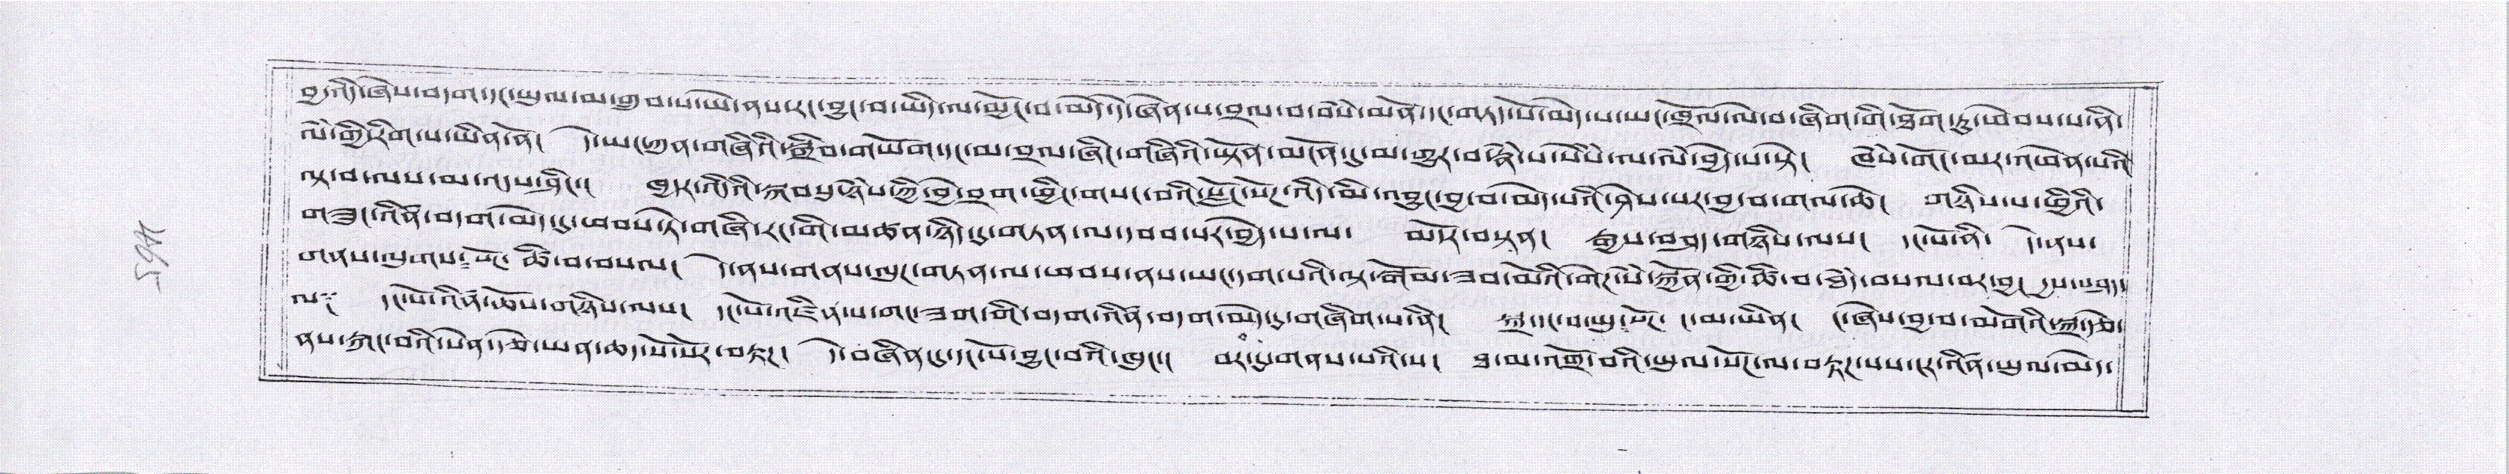བྱ་འདི་ཞེས་བདག་དང་ཡུལ་མ་གྲུབ་པ་ཡེ་ནས་རང་བྱུང་བ་ཡིད་ལ་མྱོང་བ་མེད་དེ་ཞེན་པ་བྲལ་བ་བསམ་མནོ་དང་གཏད་སོ་མེད་པ་ཡང་ཁྲོལ་ལེ་བ་ཞིག་ཏུ་ཐོག་ཏུ་ཕེབ་པ་ནི་
ལམ་གྱི་རིག་ཡིན་ནོ། དེ་ཡང་ཀུན་གཞིའི་སྒྲིབ་གཡོགས་དང་མ་བྲལ་ཞིང་གཞིའི་ཡོན་ཏན་མངོན་དུ་མ་གྱུར་པ་རྣམ་པ་སེམས་ལ་ལམ་བྱེད་པ་སྟེ། ཁམས་གོང་མར་འཕེན་པའི་
ལྟ་བ་ལས་མ་འདས་ཤིང་། ཁྱད་པར་འདིའི་སྐབས་སུ་ཉམས་ཀྱི་བྱེ་བྲག་ཕྱི་ནང་གསང་བའི་ཀློང་སོགས་འདི་མི་འབྱུང་བྱ་བ་མེད་པའི་ཤེས་པར་བྱ་བ་གལ་ཆེ། གཉིས་པ་ཕྱིའི་
གཟུང་འཛིན་བདག་མེད་དུ་ཕབ་སྟེ་གཞི་རང་གི་མཚན་ཉིད་དུ་གཏན་ལ་དབབ་པར་བྱེད་པ་ལ། མདོར་བསྟན་རྒྱས་བཤད་གཉིས་ལས། དང་པོ་ནི། དེ་ནས་
གནས་ལུགས་སོགས་ཚི་བ་བསལ། དེ་ནས་གནས་ལུགས་གཏན་ལ་ཕབ་ནས་ཡང་དག་པའི་ལྟ་སྒོམ་ཟབ་མོའི་གེགས་སམ་སྐྱོན་གྱི་ཚི་བ་ཐམས་ཅད་བསལ་བར་བྱ། རྒྱས་བཤད་
ལ། དང་པོ་འཛིན་ཆོས་གཉིས་ལས། དང་པོ་འཛིན་པ་གང་ཟག་གི་བདག་འཛིན་བདག་མེད་དུ་གཞིག་པ་ནི། སྐྲ་དང་བ་སྤུ་སོགས་ང་མ་ཡིན། ང་ཞེས་བྱ་བ་མགོ་ཡི་སྐྲ་རྩེ་
ནས་རྐང་པའི་སེན་རྩེ་ཡན་ཆད་སོ་སོར་བརྟགས། དེ་བཞིན་དུ་དང་པོ་བྱུང་བའི་ཁུངས། བར་དུ་གནས་པའི་ས། ཐ་མ་འགྲོ་བའི་ཡུལ་སོགས་ལ་བརྟགས་པས་ངར་འཛིན་ཡུལ་མེད་